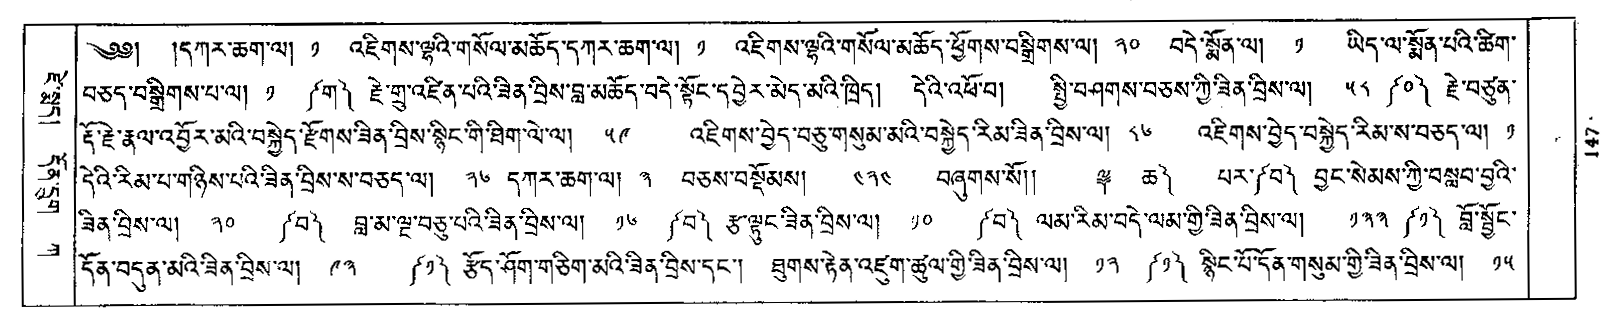༄༅། །དཀར་ཆག་ལ། ༡་འཇིགས་ལྷའི་གསོལ་མཆོད་དཀར་ཆག་ལ། ༡་འཇིགས་ལྷའི་གསོལ་མཆོད་ཕྱོགས་བསྒྲིགས་ལ། ༢༠་བདེ་སྨོན་ལ། ༡་ཡིད་ལ་སྨོན་པའི་ཚིག་
བཅད་བསྒྲིགས་པ་ལ། ༡ ༼ག྄་རྗེ་གྲུ་འཛིན་པའི་ཟིན་བྲིས་བླ་མཆོད་བདེ་སྟོང་དབྱེར་མེད་མའི་ཁྲིད། དེའི་འཕོ་བ། སྤྱི་བཤགས་བཅས་ཀྱི་ཟིན་བྲིས་ལ། ༥༨་༽༠?་རྗེ་བཙུན་
རྡོ་རྗེ་རྣལ་འབྱོར་མའི་བསྐྱེད་རྫོགས་ཟིན་བྲིས་སྙིང་གི་ཐིག་ལེ་ལ། ༥༩་འཇིགས་བྱེད་བཅུ་གསུམ་མའི་བསྐྱེད་རིམ་ཟིན་བྲིས་ལ། ༨༦་འཇིགས་བྱེད་བསྐྱེད་རིམ་ས་བཅད་ལ། ༡
དེའི་རིམ་པ་གཉིས་པའི་ཟིན་བྲིས་ས་བཅད་ལ། ༢༦་དཀར་ཆག་ལ། ༣་བཅས་བསྡོམས། ༤༢༤་བཞུགས་སོ།། ༈ ཆ྄་པར་བ྄་བྱང་སེམས་ཀྱི་བསླབ་བྱའི་
ཟིན་བྲིས་ལ། ༢༠ ༼བ྄་བླ་མ་ལྔ་བཅུ་པའི་ཟིན་བྲིས་ལ། ༡༦་༽བ྄་རྩ་ལྟུང་ཟིན་བྲིས་ལ། ༡༠ ༼བ྄་ལམ་རིམ་བདེ་ལམ་གྱི་ཟིན་བྲིས་ལ། ༡༣༣་༽༡?་བློ་སྦྱོང་
དོན་བདུན་མའི་ཟིན་བྲིས་ལ། ༩༣ ༼༡?་རྩོད་ཤོག་གཅིག་མའི་ཟིན་བྲིས་དང་། ཐུགས་རྟེན་འཛུག་ཚུལ་གྱི་ཟིན་བྲིས་ལ། ༡༢་༽༡?་སྙིང་པོ་དོན་གསུམ་གྱི་ཟིན་བྲིས་ལ། ༡༥